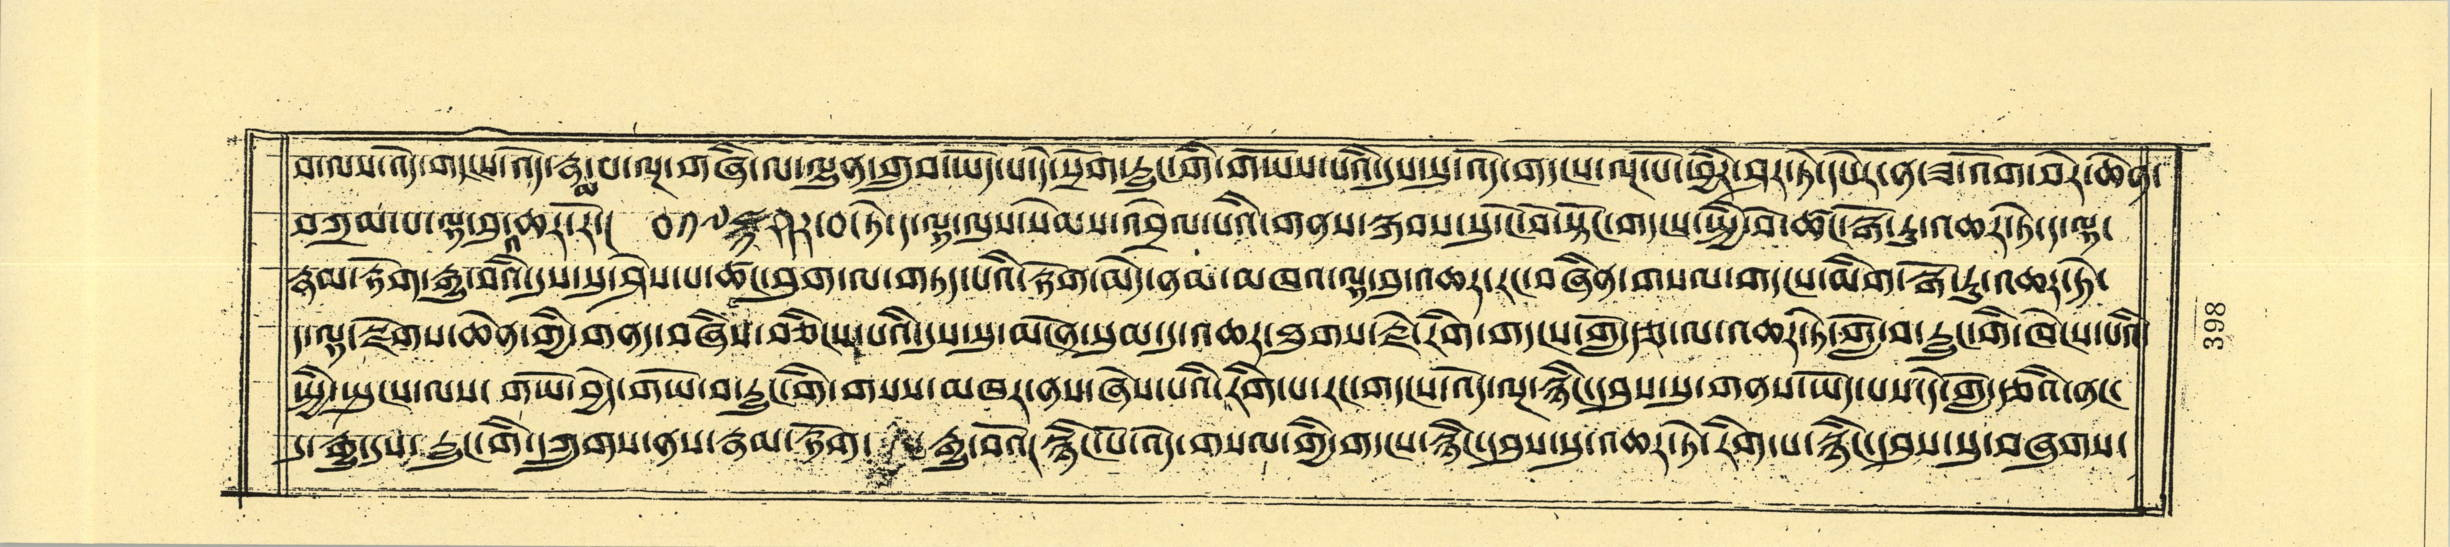བ་ལས་འོད་གདངས་འོད་རྣམ་པ་ལྔ་གཞི་ལ་ལྷུན་གྲུབ་ཡོད་པ་དེ་སྲོག་རླུང་གི་གཡོས་པའི་དུས་སུ་འོད་གདངས་ལྔ་པོ་ཕྱིར་ཤར་ཏེ་དཔེར་ན་ཟ་འོག་བེར་ཆེན་
བཀྲམ་པ་ལྟ་བུ་འཆར་རོ། བ༡༧༤།༡ ༼ཤར་བ་༽ཏེ་ད་ལྟ་ལུས་སེམས་འབྲེལ་བའི་གནས་སྐབས་སུ་ངོ་བོ་སྟོང་གདངས་སྤྱི་བོ་ཚང་སྒོ་རུ་འཆར་ཏེ་ད་ལྟར་
རྣམ་རྟོག་རྒྱུ་བའི་དུས་སུ་ཤེས་པ་ཚང་བུག་ལ་གཏད་པའི་རྟོག་མེད་ནམ་མཁའ་ལྟ་བུ་འཆར་རང་བཞིན་གསལ་གདངས་མིག་སྒོ་རུ་འཆར་ཏེ་
ད་ལྟ་སྫོགས་ཆེན་གྱི་གནད་བཞིས་བཅིངས་པའི་དུས་སུ་མངོན་སུམ་དུ་འཐར་ཐུགས་རྗེ་རིག་གདངས་གློ་རྩ་ལ་འཆར་ཏེ་གློ་བ་རླུང་གི་ཁེངས་པའི་
སྤྱི་སྤུངས་ལས་གཡོ་བྱེད་གཡོ་བ་རླུང་གི་གསས་མཁར་ནས་ཞེས་པའི་རིག་པ་རང་གདངས་འོད་ལྔ་སྙིང་དབུས་སུ་གནས་ཡོད་པས་དེ་གློ་རྩའི་ནང་
དུ་རྒྱུ་དུས་རླུང་གི་དཀྲུགས་ནས་རྣམ་རྟོག་རྒྱུ་བའོ། སྙིང་པོ་འོད་གསལ་གྱི་གདངས་སྙིང་དབུས་སུ་འཆར་ཏེ་རིག་པ་སྙིང་དབུས་སུ་བཞུགས་